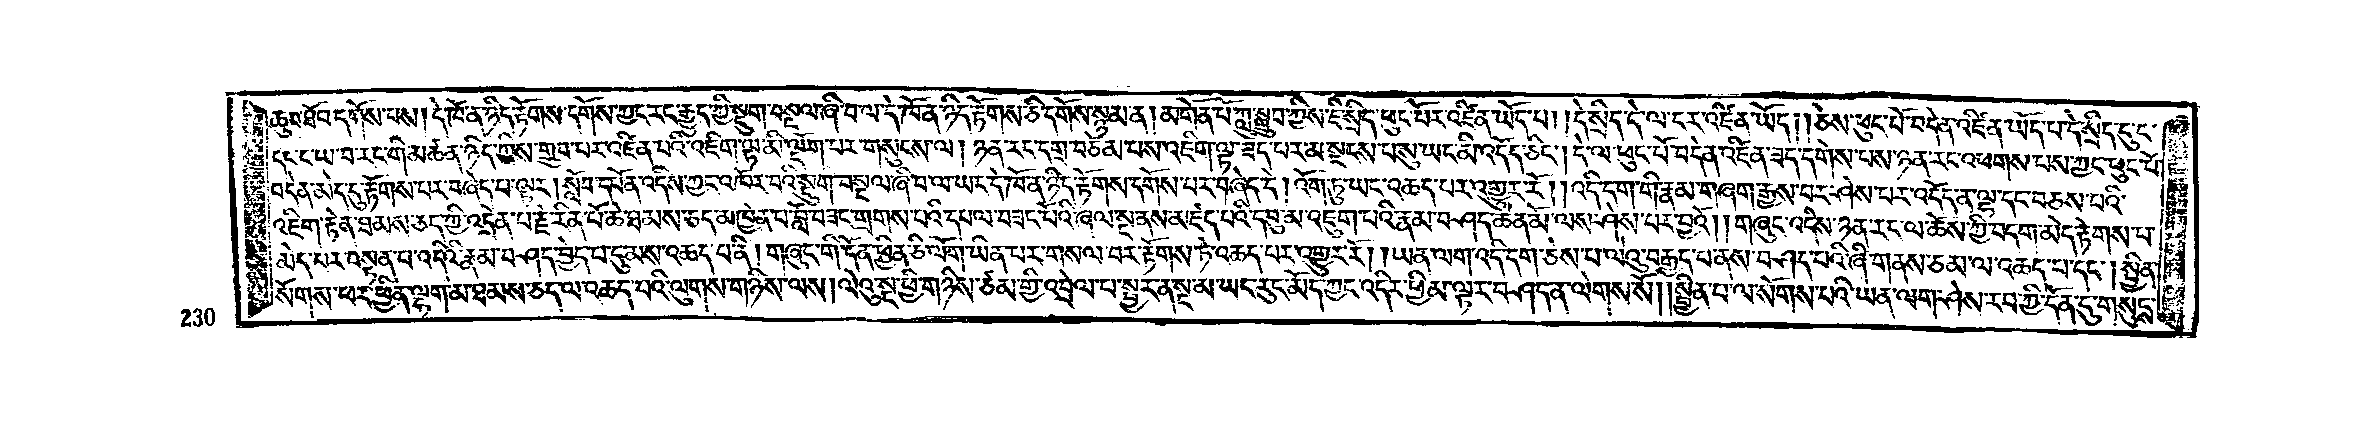ཆུབ་ཐོབ་དགོས་པས། དེ་ཁོ་ན་ཉིད་རྟོགས་དགོས་ཀྱང་རང་རྒྱུད་ཀྱི་སྡུག་བསྔལ་ཞི་བ་ལ་དེ་ཁོ་ན་ཉིད་རྟོགས་ཅི་དགོས་སྙམ་ན། མགོན་པོ་ཀླུ་སྒྲུབ་ཀྱིས་ཇི་སྲིད་ཕུང་པོར་འཛིན་ཡོད་པ། དེ་སྲིད་དེ་ལ་ངར་འཛིན་ཡོད། །ཅེས་ཕུང་པོ་བདེན་འཛིན་ཡོད་པ་དེ་སྲིད་དུ་ང་
དང་ང་ཡི་བར་རང་གི་མཚན་ཉིད་ཀྱིས་གྲུབ་པར་འཛིན་པའི་འཇིག་ལྟ་མི་ལྡོག་པར་གསུངས་ལ། ཉན་རང་དགྲ་བཅོམ་པས་འཇིག་ལྟ་ཟད་པར་མ་སྡངས་པ་སུ་ཡང་མི་འདོད་ཅིང་། དེ་ལ་ཕུང་པོ་བདེན་འཛིན་ཟད་དགོས་པས་ཉན་རང་འཕགས་པས་ཀྱང་ཕུང་པོ་
བདེན་མེད་དུ་རྟོགས་པར་བཞེད་པ་ལྟར། སློབ་དཔོན་འདིས་ཀྱང་འཁོར་བའི་བསྡུ་བསྔལ་ཞི་བ་ལ་ཡང་དེ་ཁོ་ན་ཉིད་རྟོགས་དོགས་པར་བཞེད་དོ། འོག་ཏུ་ཡང་འཆད་པར་འགྱུར་རོ། །འདི་དག་གི་རྣམ་གཞག་རྒྱས་པར་ཤེས་པར་འདོད་ན་ལྷ་དང་བཅས་པའི་
འཇིག་རྟེན་ཐམས་ཅད་ཀྱི་འདྲེན་པ་རྗེ་རིན་པོ་ཆེ་ཐམས་ཅད་མཁྱེན་པ་བློ་བཟང་གྲགས་པའི་དཔལ་བཟང་པོའི་ཞལ་སྔ་ནས་མཛད་པའི་དུ་མ་འཇུག་པའི་རྣམ་བཤད་ཆེན་མོ་ལས་ཤེ་སྤར་བྱའོ། །གཞུང་འདིས་ཉན་རང་ལ་ཆོས་ཀྱི་བདག་མེད་རྟོགས་པ་
མེད་པར་བསྟན་པ་འདིའི་རྣམ་བཤད་བྱེད་པ་དུ་མས་འཆད་པ་ནི། གཞུང་གི་དོན་ཕྱིན་ཅི་ལོག་ཡིན་པར་བསལ་བར་རྟོགས་ཏེ་འཆད་པར་འགྱུར་རོ། །ཡན་ལག་འདི་དག་ཅེས་པ་ལེའུ་བརྒྱད་པ་ནས་བཤད་པའི་ཞི་གནས་ཙམ་ལ་འཆད་པ་དང་། སྦྱིན་
སོགས་ཕ་ཕྱིན་ལྷག་མ་ཐམས་ཅད་ལ་འཆད་པའི་ལུགས་གཉིས་ལས། ལེའུ་སྔ་ཕྱི་གཉིས་ཙམ་གྱི་འབྲེལ་པ་སྦྱར་ན་སྔ་མ་ཡང་རུང་མོད་ཀྱང་འདིར་ཕྱི་མ་ལྟར་བཤད་ན་ལེགས་སོ། །སྦྱིན་པ་ལ་སོགས་པའི་ཡན་ལག་ཤེས་རབ་ཀྱི་དོན་དུ་གསུངས་